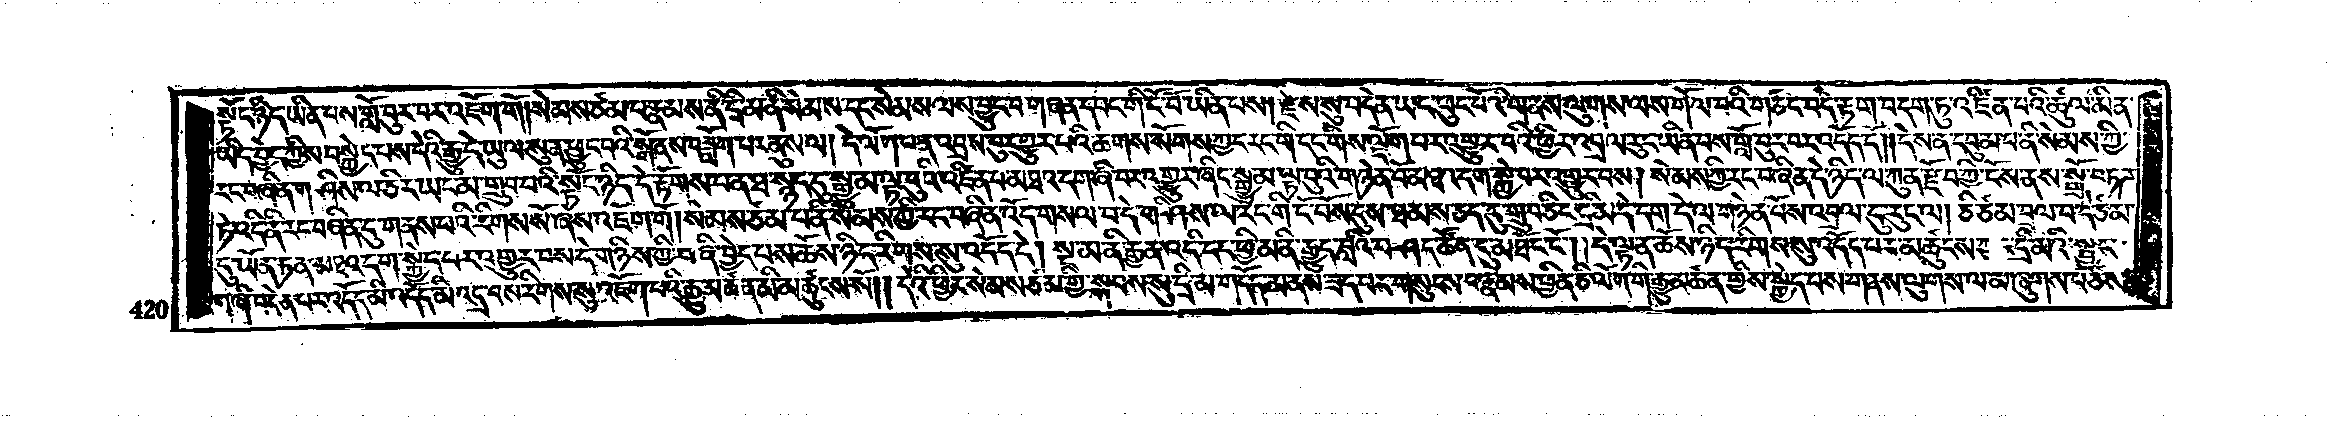སྟོང་ཉིད་ཡིན་པས་གློ་བུར་བར་འཇོག་གོ །སེམས་ཙམ་པ་རྣམས་ནི་དྲི་མ་ནི་སེམས་དང་སེམས་ལས་བྱུང་བ་གཞན་དབང་གི་ངོ་བོ་ཡིན་པས། རྫས་སུ་བདེན་ཡང་ཕུང་པོའི་གནས་ལུགས་ལས་གོལ་བའི་གཙང་བ་དེ་རྟག་བདག་ཏུ་འཛིན་པའི་ཚུལ་མིན་
ཡིད་བྱེད་ཀྱིས་བསྐྱེད་པས་དེའི་རྒྱུ་དེ་ཡུལ་སུན་ཕུང་བའི་སྒོ་ནས་བཟློག་པར་ནུས་ལ། དེ་ལོག་པ་ན་འབྲས་བུར་གྱུར་པའི་ཆགས་སོགས་ཀྱང་རང་གི་དང་གིས་ལྡོག་པར་འགྱུར་བའི་ཕྱིར་འབྲས་རུང་ཡིན་པས་གློ་བུར་བར་འདོད་དོ། །དེས་ན་དབུ་མ་པ་ནི་སེམས་ཀྱི་
རང་བཞིན་གཤིས་ལ་ཅིར་ཡང་མ་གྲུབ་པའི་སྟོང་ཉིད་དེ་རྟོགས་པ་ན་ཐ་སྙད་དུ་སྒྱུ་མ་ལྟ་བུའི་འཛིན་པ་མཐའ་དག་ཞི་བར་འགྱུར་ཞིང་སྒྱུ་མ་ལྟ་བུའི་གཉེན་པོ་མཐའ་དག་སྐྱེ་བར་འགྱུར་བས། སེམས་ཀྱི་རང་བཞིན་དེ་ཉིད་ལ་ཀུན་རྫོབ་ཀྱི་ངོས་ནས་སྒྲོ་བཏགས་
ཏེ་འདི་ནི་རང་བཞིན་དུ་གནས་པའི་རིགས་སོ་ཞེས་འཇོག་གོ །སེམས་ཙམ་པ་ནི་སེམས་ཀྱི་རང་བཞིན་འོད་གསལ་བ་དེ་གཤིས་ལ་རང་གི་ངོ་བོས་དུས་ཐམས་ཅད་དུ་གྲུབ་ཅིང་དྲི་མ་དེ་དག་དེ་ལ་གཉེན་པོས་འབྲལ་དུ་རུང་ལ། ཅི་ཙམ་བྲལ་བ་དེ་ཙམ་
དུ་ཡོན་ཏན་མཐའ་དག་སྐྱེད་པར་འགྱུར་བས་དེ་གཉིས་ཀྱི་གཞི་བྱེད་པས་ཆོས་ཉིད་རིགས་སུ་འདོད་དེ། སྔ་མ་ནི་རྒྱན་འདི་དང་ཕྱི་མ་ནི་རྒྱུད་བླའི་བཤད་ཚོད་དུ་མཐོང་ངོ། །དེ་ལྟ་ན་ཆོས་ཉིད་རིགས་སུ་འདོད་པར་མཚུངས་ཀྱང་དྲི་མའི་སྦྱང་
གཞི་བདེན་པར་འདོད་མི་འདོད་མི་འདྲ་བས་རིགས་སུ་འཇོག་པའི་རྒྱུ་མཚན་མི་མཚུངས་སོ། །དེའི་ཕྱིར་སེམས་ཙམ་གྱི་སྐབས་སུ་དྲི་མ་གདོད་མ་ནས་ཟད་པར་གསུངས་པ་རྣམས་ཕྱིན་ཅི་ལོག་གི་རྒྱུ་མཚན་གྱིས་སྐྱེད་པས་གནས་ལུགས་ལ་མ་ཞུགས་པ་ཙམ་